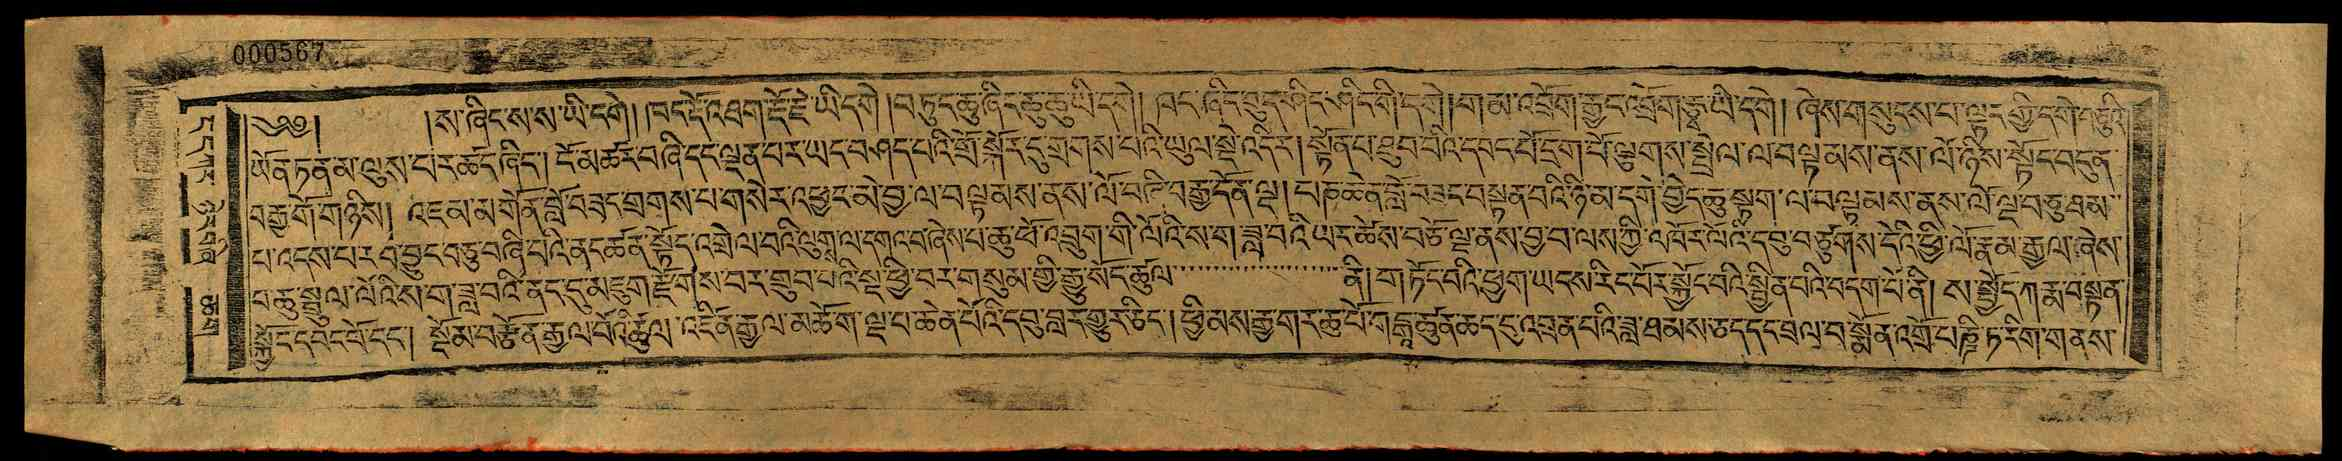༄༅། །ས་ཞིང་ས་ས་ཡི་དགེ། ཁང་རྡོ་འཐག་རྡོ་རྡོ་ཡི་དགེ། བཏུང་ཆུ་ཞིང་ཆུ་ཆ་ཡི་དགེ། ཁང་ཤིང་བུད་ཤིང་ཤིང་གི་དགེ། གམ་འབྲོག་རྒྱང་རྩྭ་ཡི་དགེ། །ཞེས་གསུངས་པ་ལྟར་གྱི་དགེ་བཅུའི་
ཡོན་ཏན་མ་ལུས་པར་ཚང་ཞིང་། ངོ་མཚར་བཞི་དང་ལྡན་པར་ཡང་བཤད་པའི་གྲོ་སྐོར་དུ་གྲགས་པའི་ཡུལ་སྡེ་འདིར། སྟོན་པ་ཐུབ་པའི་དབང་པོ་དྲག་པོ་ལྕགས་སྤྲེལ་ལ་བལྟམས་ནས་ལོ་ཉིས་སྟོང་བདུན་
བརྒྱ་གོ་གཉིས། འཇམ་མགོན་བློ་བཟང་གྲགས་པ་གསེར་འཕྱང་མེ་བྱ་ལ་བལྟམས་ནས་ལོ་བཞི་བརྒྱ་དོན་ལྔ། པཎ་ཆེན་བློ་བཟང་བསྟན་པའི་ཉི་མ་དགེ་བྱེད་ཆུ་སྟག་ལ་བལྟམས་ནས་ལོ་ལྔ་བཅུ་ཐམ་
པ་འདས་པ་རབ་བྱུང་བཅུ་བཞི་པའི་ནང་ཚན་སྟོད་འགྲེལ་བའི་ལུག་ལ་དགའ་བ་ཞེས་པ་ཆུ་ཕོ་འབྲུག་གི་ལོའི་ས་ག་ཟླ་བའི་ཡར་ཚེས་བཅོ་ལྔ་ནས་བྱ་བ་ལས་ཀྱི་འཁོར་ལོའི་དབུ་བཙུགས་དེའི་ཕྱི་ལོ་རྣམ་རྒྱལ་ཞེས་
པ་ཆུ་སྦྲུལ་ལོའི་ས་ག་ཟླ་བའི་ནང་དུ་མཇུག་རྫོགས་པར་གྲུབ་པའི་སྔ་ཕྱི་བར་གསུམ་གྱི་རྒྱུ་སོང་ཚུལ་་་ནི། གཏོང་བའི་ཕྱག་ཡངས་རིང་པོར་སྐྱོད་པའི་སྦྱིན་པའི་བདག་པོ་ནི། ས་སྤྱོད་ཀརྨ་བསྟན་
སྐྱོང་དབང་པོ་དང་། སྡོམ་བརྩོན་རྒྱལ་པོའི་ཚུལ་འཛིན་རྒྱལ་མཆོག་ལྔ་པ་ཆེན་པོའི་དབུ་བླར་གྱུར་ཅིང་། ཕྱི་མས་རྒྱ་གར་ཆུ་བོ་གངྒཱ་ཚུན་ཆད་དུ་འགྲན་པའི་ཟླ་ཐམས་ཅད་དང་བྲལ་བ་སྨོན་འགྲོ་པཎྜི་ཏ་རིག་གནས་